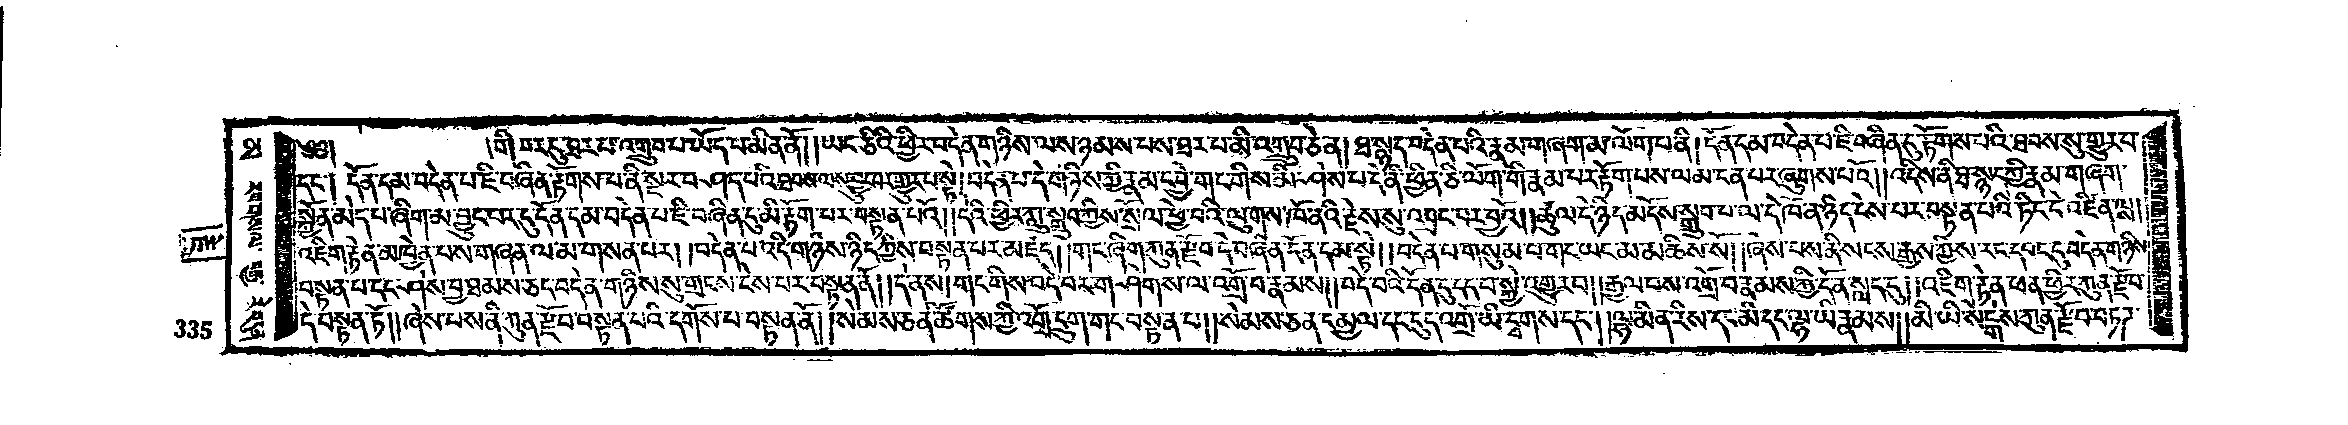༄༅། །གི་བར་དུ་ཐར་པ་འགྲུབ་པ་ཡོད་པ་མིན་ནོ། །ཡང་ཅིའི་ཕྱིར་བདེན་གཉིས་ལས་ཉམས་པས་ཐར་པ་མི་འགྲུབ་ཅེ་ན། ཐ་སྙད་བདེན་པའི་རྣམ་གཞག་མ་ལོག་པ་ནི། དོན་དམ་བདེན་པ་ཇི་བཞིན་དུ་རྟོགས་པའི་ཐབས་སུ་གྱུར་པ་
དང་། དོན་དམ་བདེན་པ་ཇི་བཞིན་རྟོགས་པ་ནི་སྔར་བཤད་པའི་ཐབས་ལས་བྱུང་བར་གྱུར་པ་སྟེ། བདེན་པ་དེ་གཉིས་ཀྱི་རྣམ་དབྱེ་གང་གིས་མི་ཤེས་པ་དེ་ནི་ཕྱིན་ཅི་ལོག་གི་རྣམ་པར་རྟོག་པས་ལམ་ངན་པར་ཞུགས་པའོ། །འདིས་ནི་ཐ་སྙད་ཀྱི་རྣམ་གཞག་
སྐྱོན་མེད་པ་ཞིག་མ་བྱུང་བར་དུ་དོན་དམ་བདེན་པ་ཇི་བཞིན་དུ་མི་རྟོག་པར་བསྟན་པའོ། །དེའི་ཕྱིར་ཀླུ་སྒྲུབ་ཀྱིས་སྲོལ་ཕྱེ་བའི་ལུགས་ཁོ་ནའི་རྗེས་སུ་འབྲང་བར་བྱའོ། །ཚུལ་དེ་ཉིད་མདོས་སྒྲུབ་པ་ལ་དེ་ཁོ་ན་ཉིད་ངེས་པར་བསྟན་པའི་ཏིང་ངེ་འཛིན་ལས།
འཇིག་རྟེན་མཁྱེན་པས་གཞན་ལ་མ་གསན་པར། །བདེན་པ་འདི་གཉིས་ཉིད་ཀྱིས་བསྟན་པར་མཛད། །གང་ཞིག་ཀུན་རྫོབ་དེ་བཞིན་དོན་དམ་སྟེ། །བདེན་པ་གསུམ་པ་གང་ཡང་མ་མཆིས་སོ། །ཞེས་པས་ནི་སངས་རྒྱས་ཀྱིས་རང་དབང་དུ་བདེན་གཉིས་
བསྟན་པ་དང་ཤེས་བྱ་ཐམས་ཅད་བདེན་གཉིས་སུ་གྲངས་ངེས་པར་བསྟན་ནོ། །དེ་ནས། གང་གིས་བདེ་བར་གཤེགས་ལ་འགྲོ་བ་རྣམས། །བདེ་བའི་དོན་དུ་དད་པ་སྐྱེ་འགྱུར་བ། །རྒྱལ་བས་འགྲོ་བ་རྣམས་ཀྱི་དོན་སླད་དུ། །འཇིག་རྟེན་ཕན་ཕྱིར་ཀུན་རྫོབ་
དེ་བསྟན་ཏོ། །ཞེས་པས་ནི་ཀུན་རྫོབ་བསྟན་པའི་དགོས་པ་བསྟན་ནོ། །སེམས་ཅན་ཚོགས་ཀྱི་འགྲོ་དྲུག་གང་བསྟན་པ། །སེམས་ཅན་དམྱལ་དང་དུད་འགྲོ་ཡི་དྭགས་དང་། །ལྷ་མིན་རིས་དང་མི་དང་ལྷ་ཡི་རྣམས། །མི་ཡི་སེངྒེས་ཀུན་རྫོབ་བཏགས་